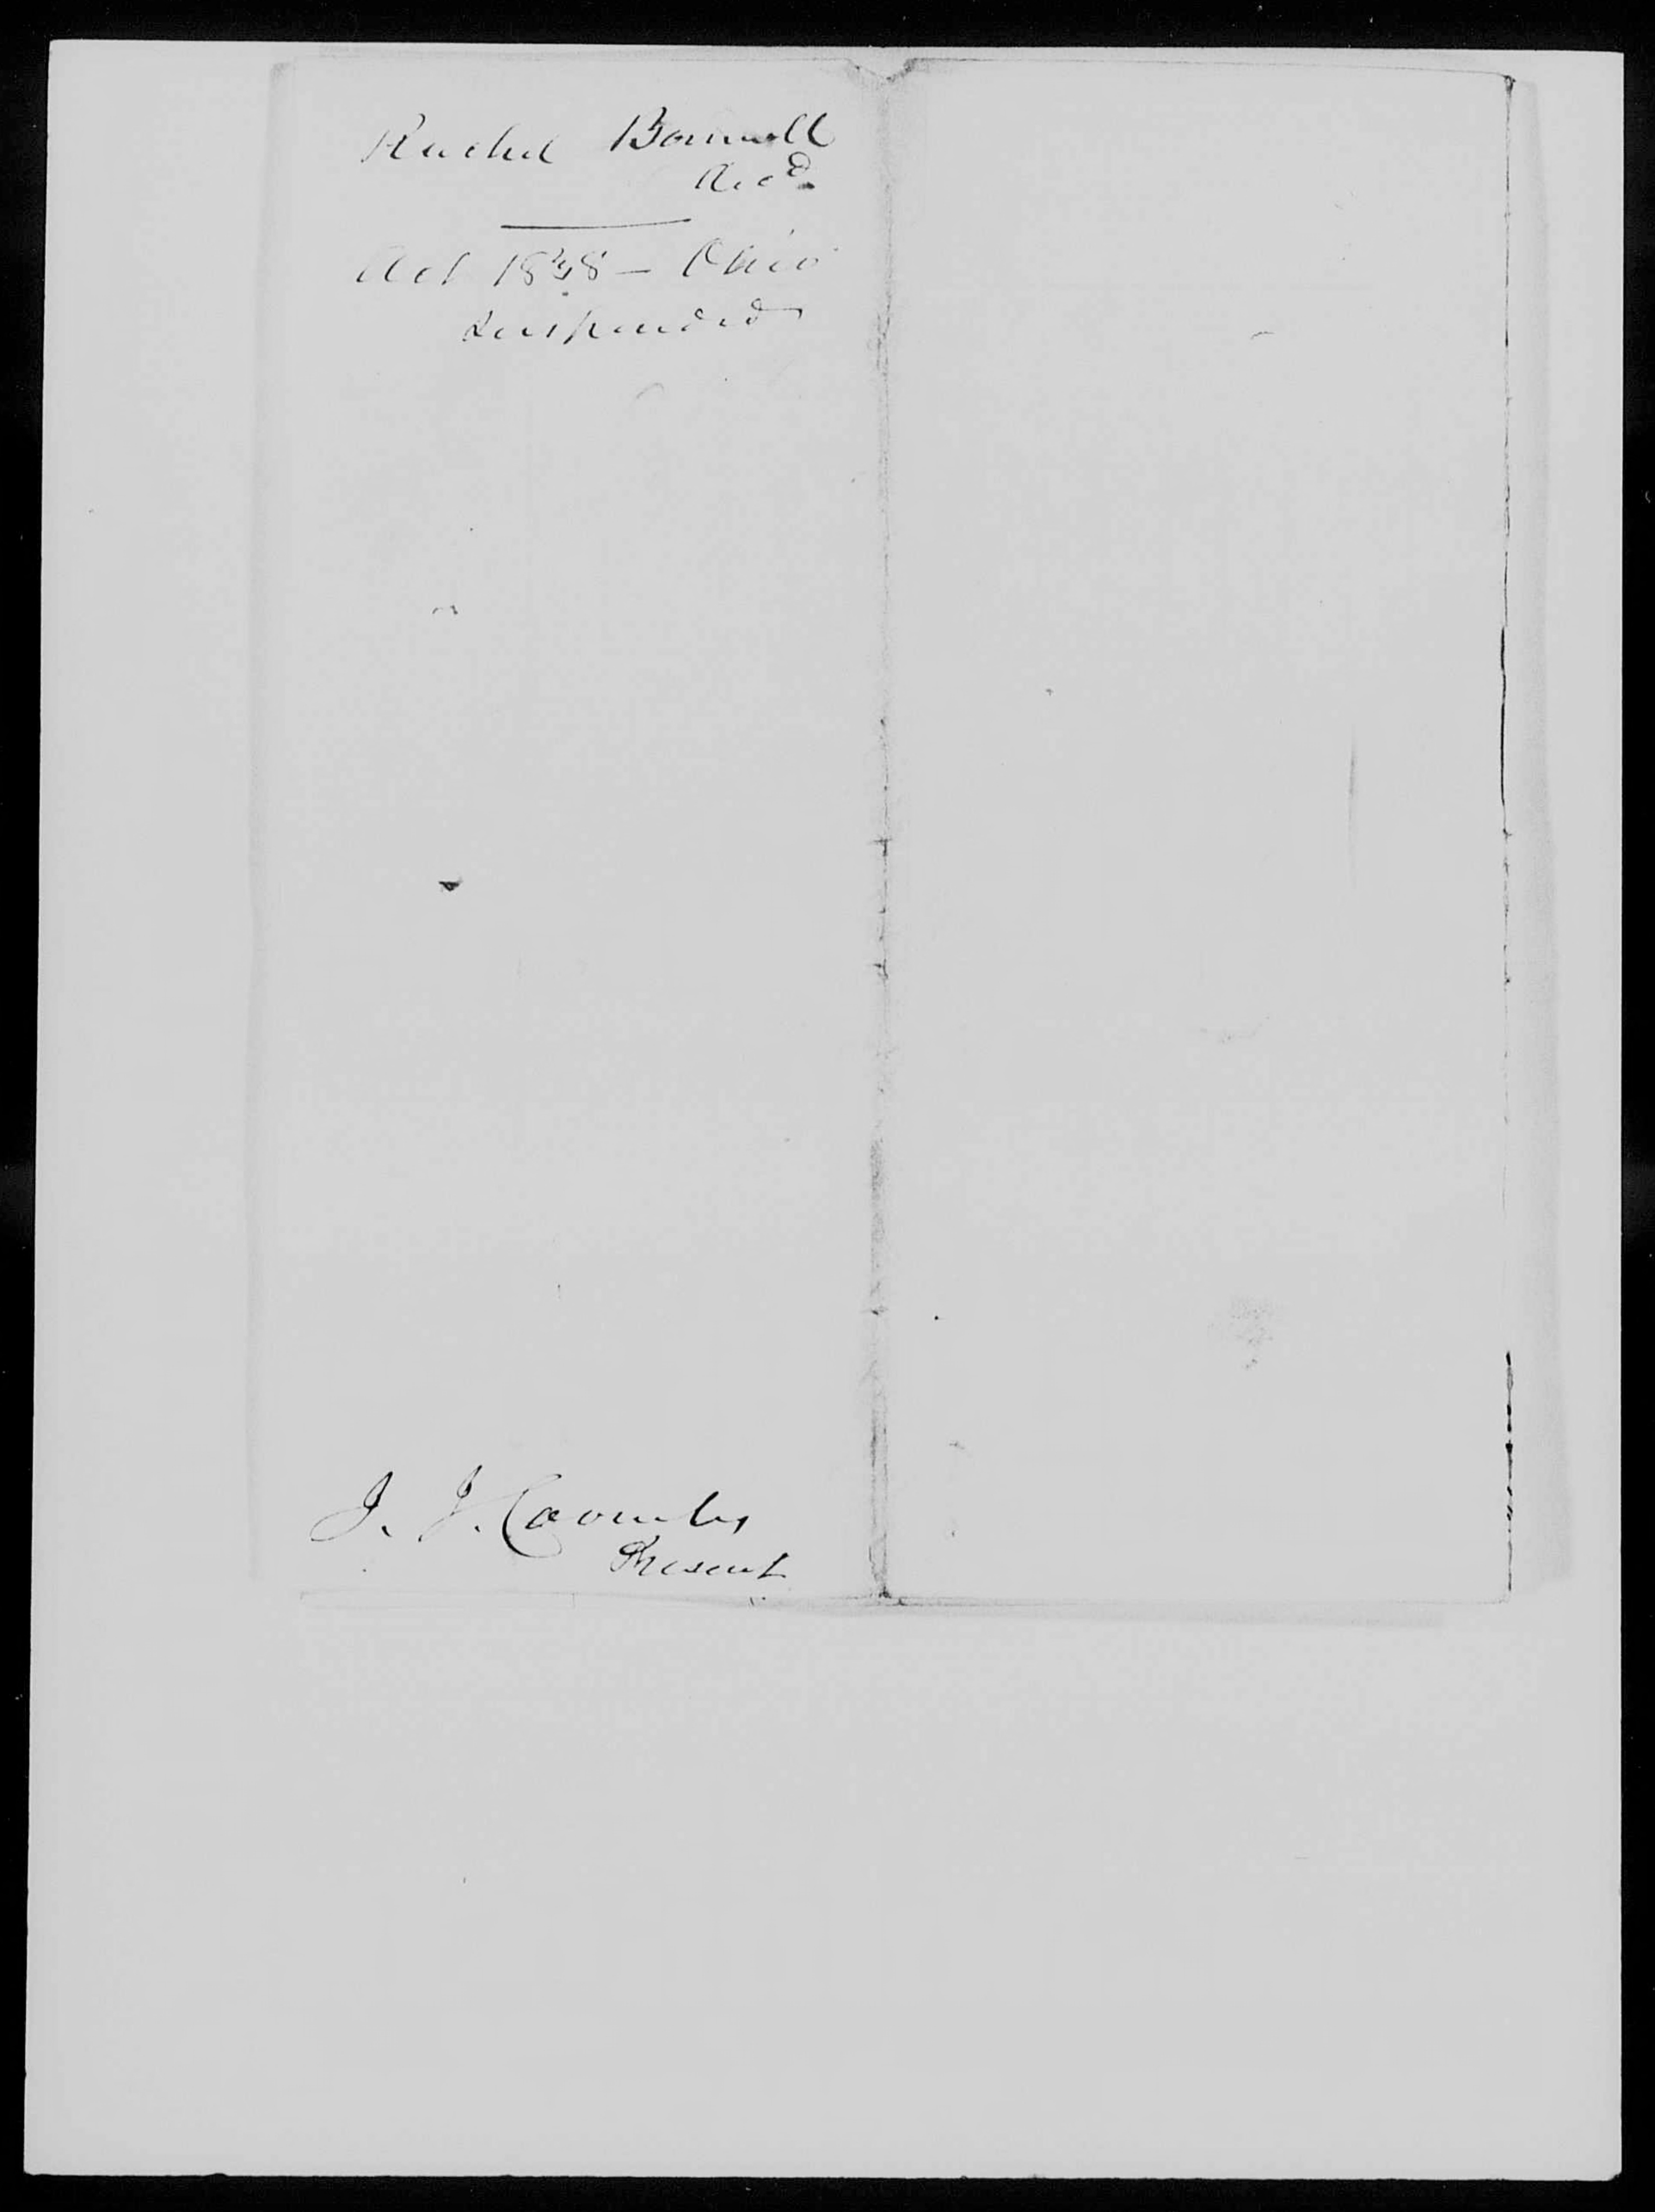Rachel Bonnell Decd
Act 1838 Ohio
Suspended

J. J. Coombs
Present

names: Rachel Bonnell, J J Coombs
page: 51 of 67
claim: rejected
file: R. 1009, Aaron Bonnel, New Jersey